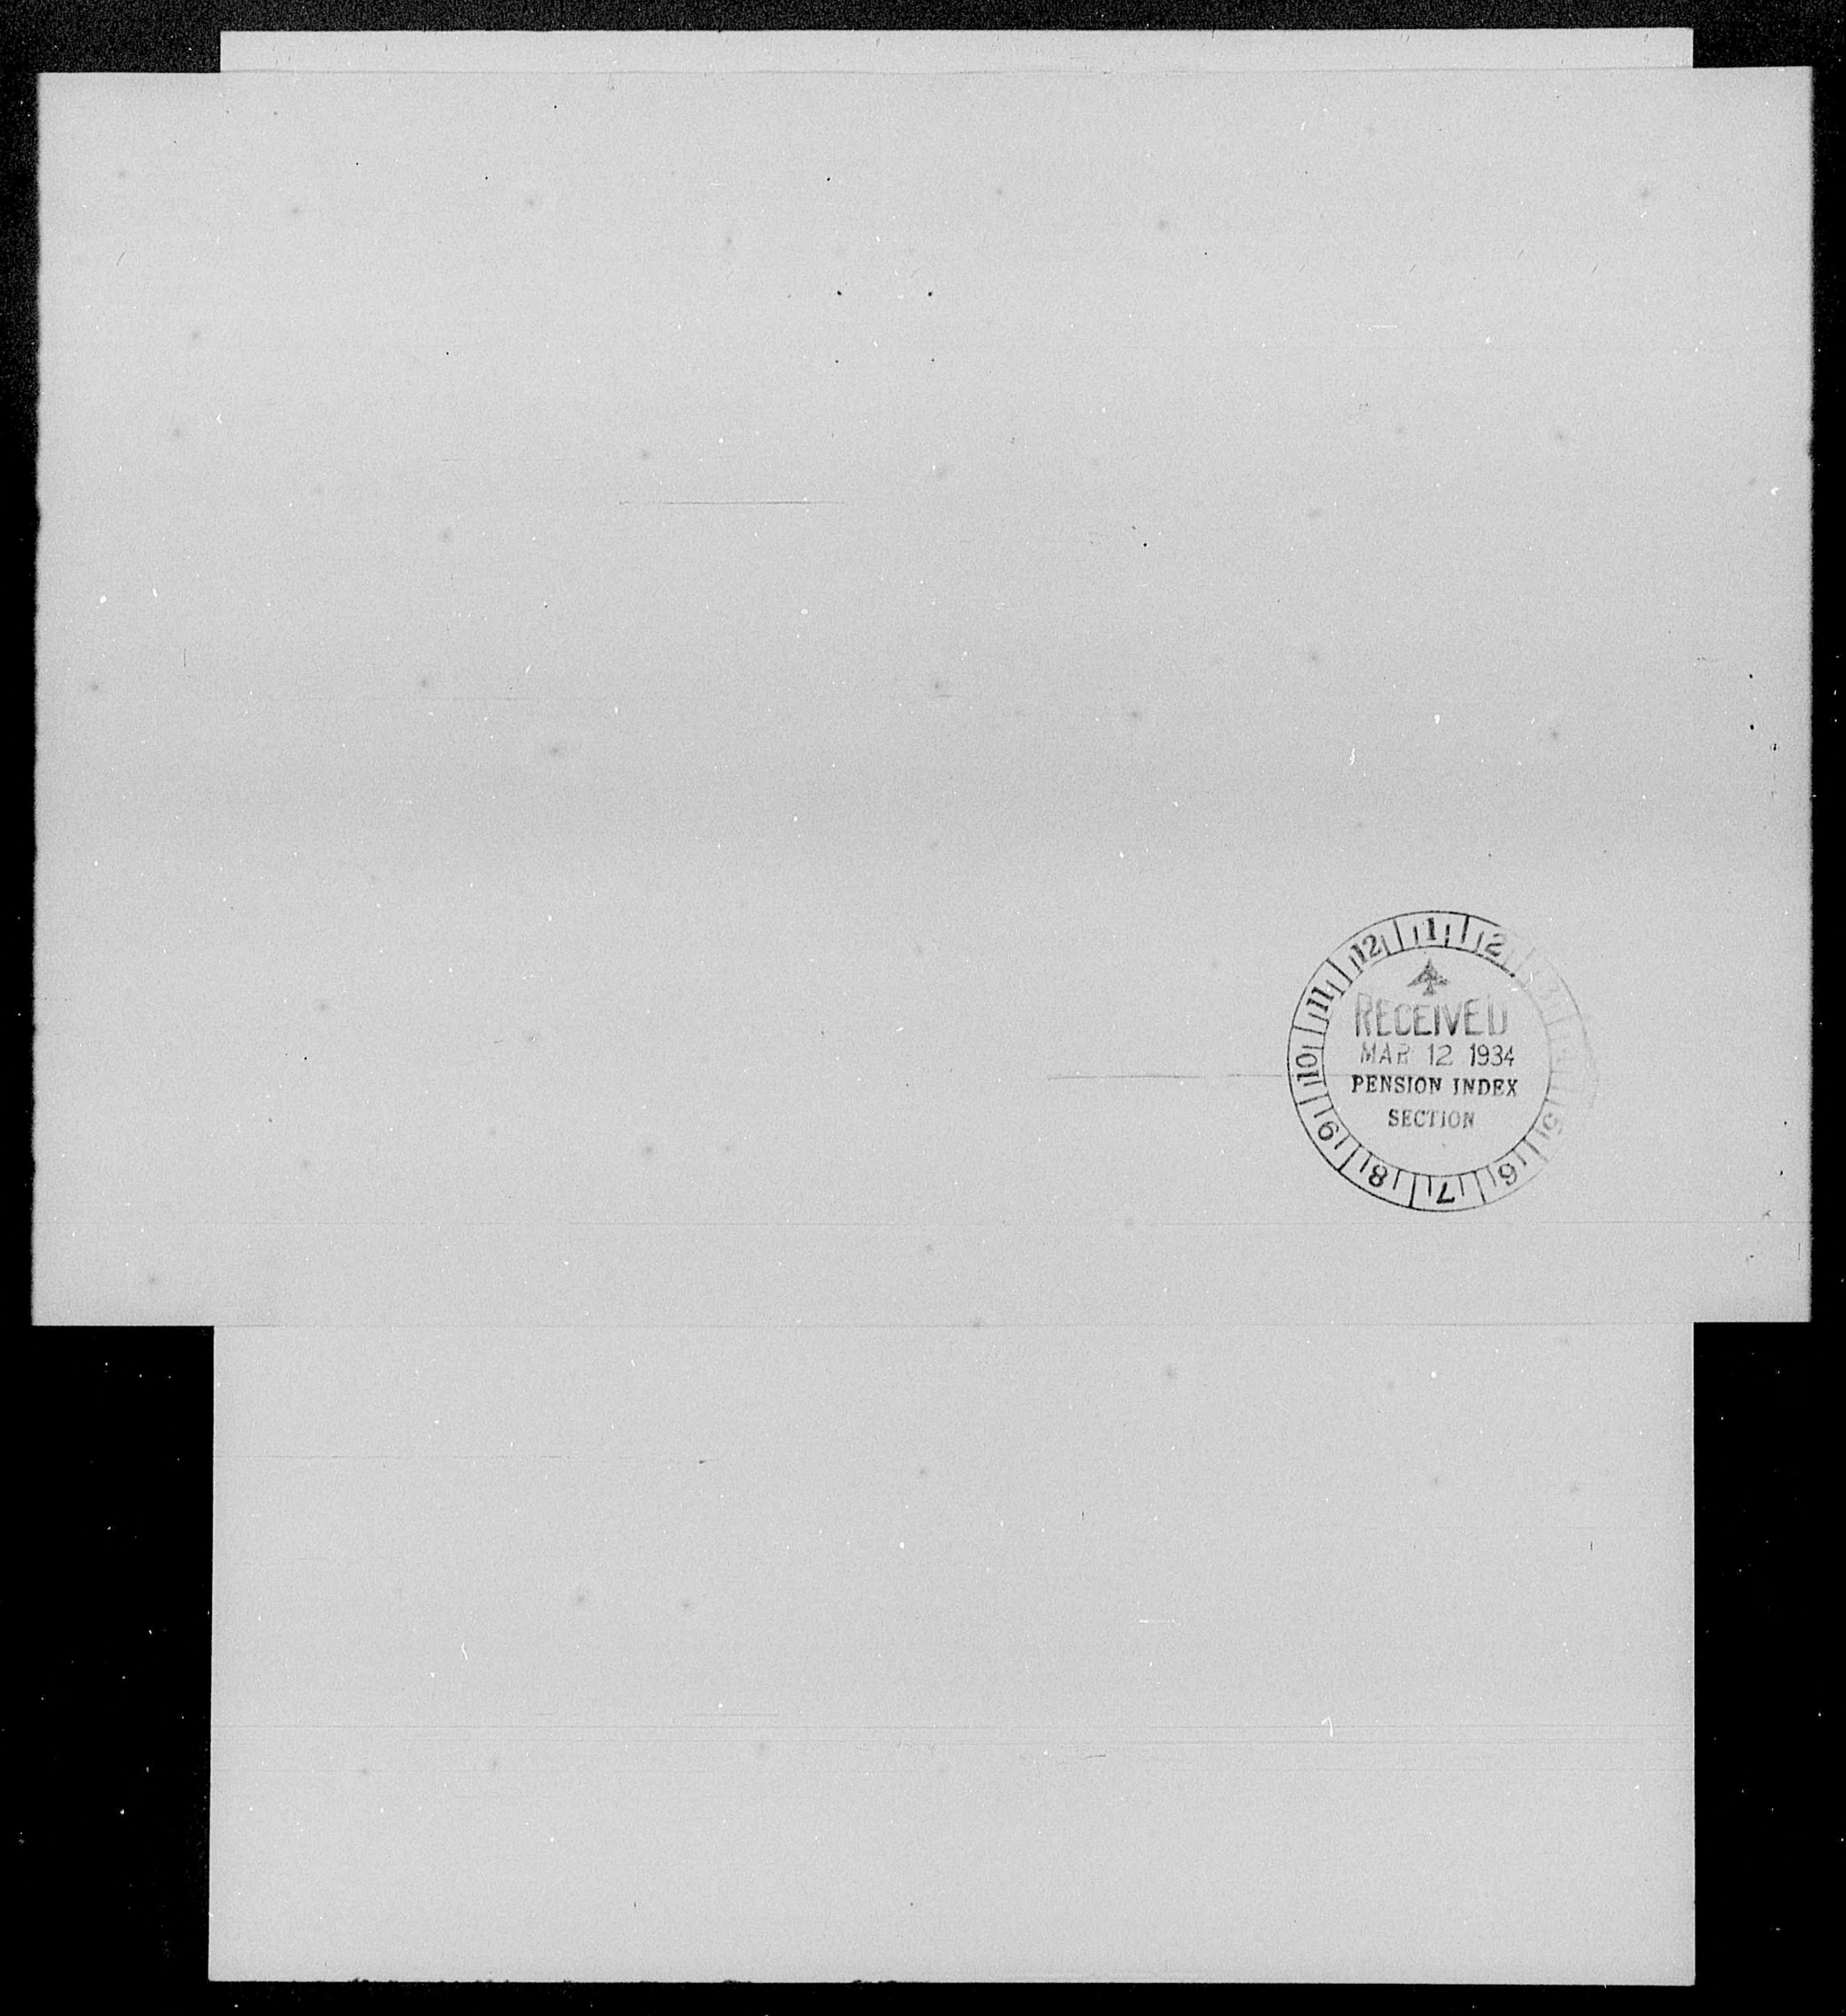RECEIVED
MAR 12 1934
PENSION INDEX
SECTION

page: 23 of 26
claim: survivor's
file: S. 20896, Griffeth Dickenson, Ga. Va.